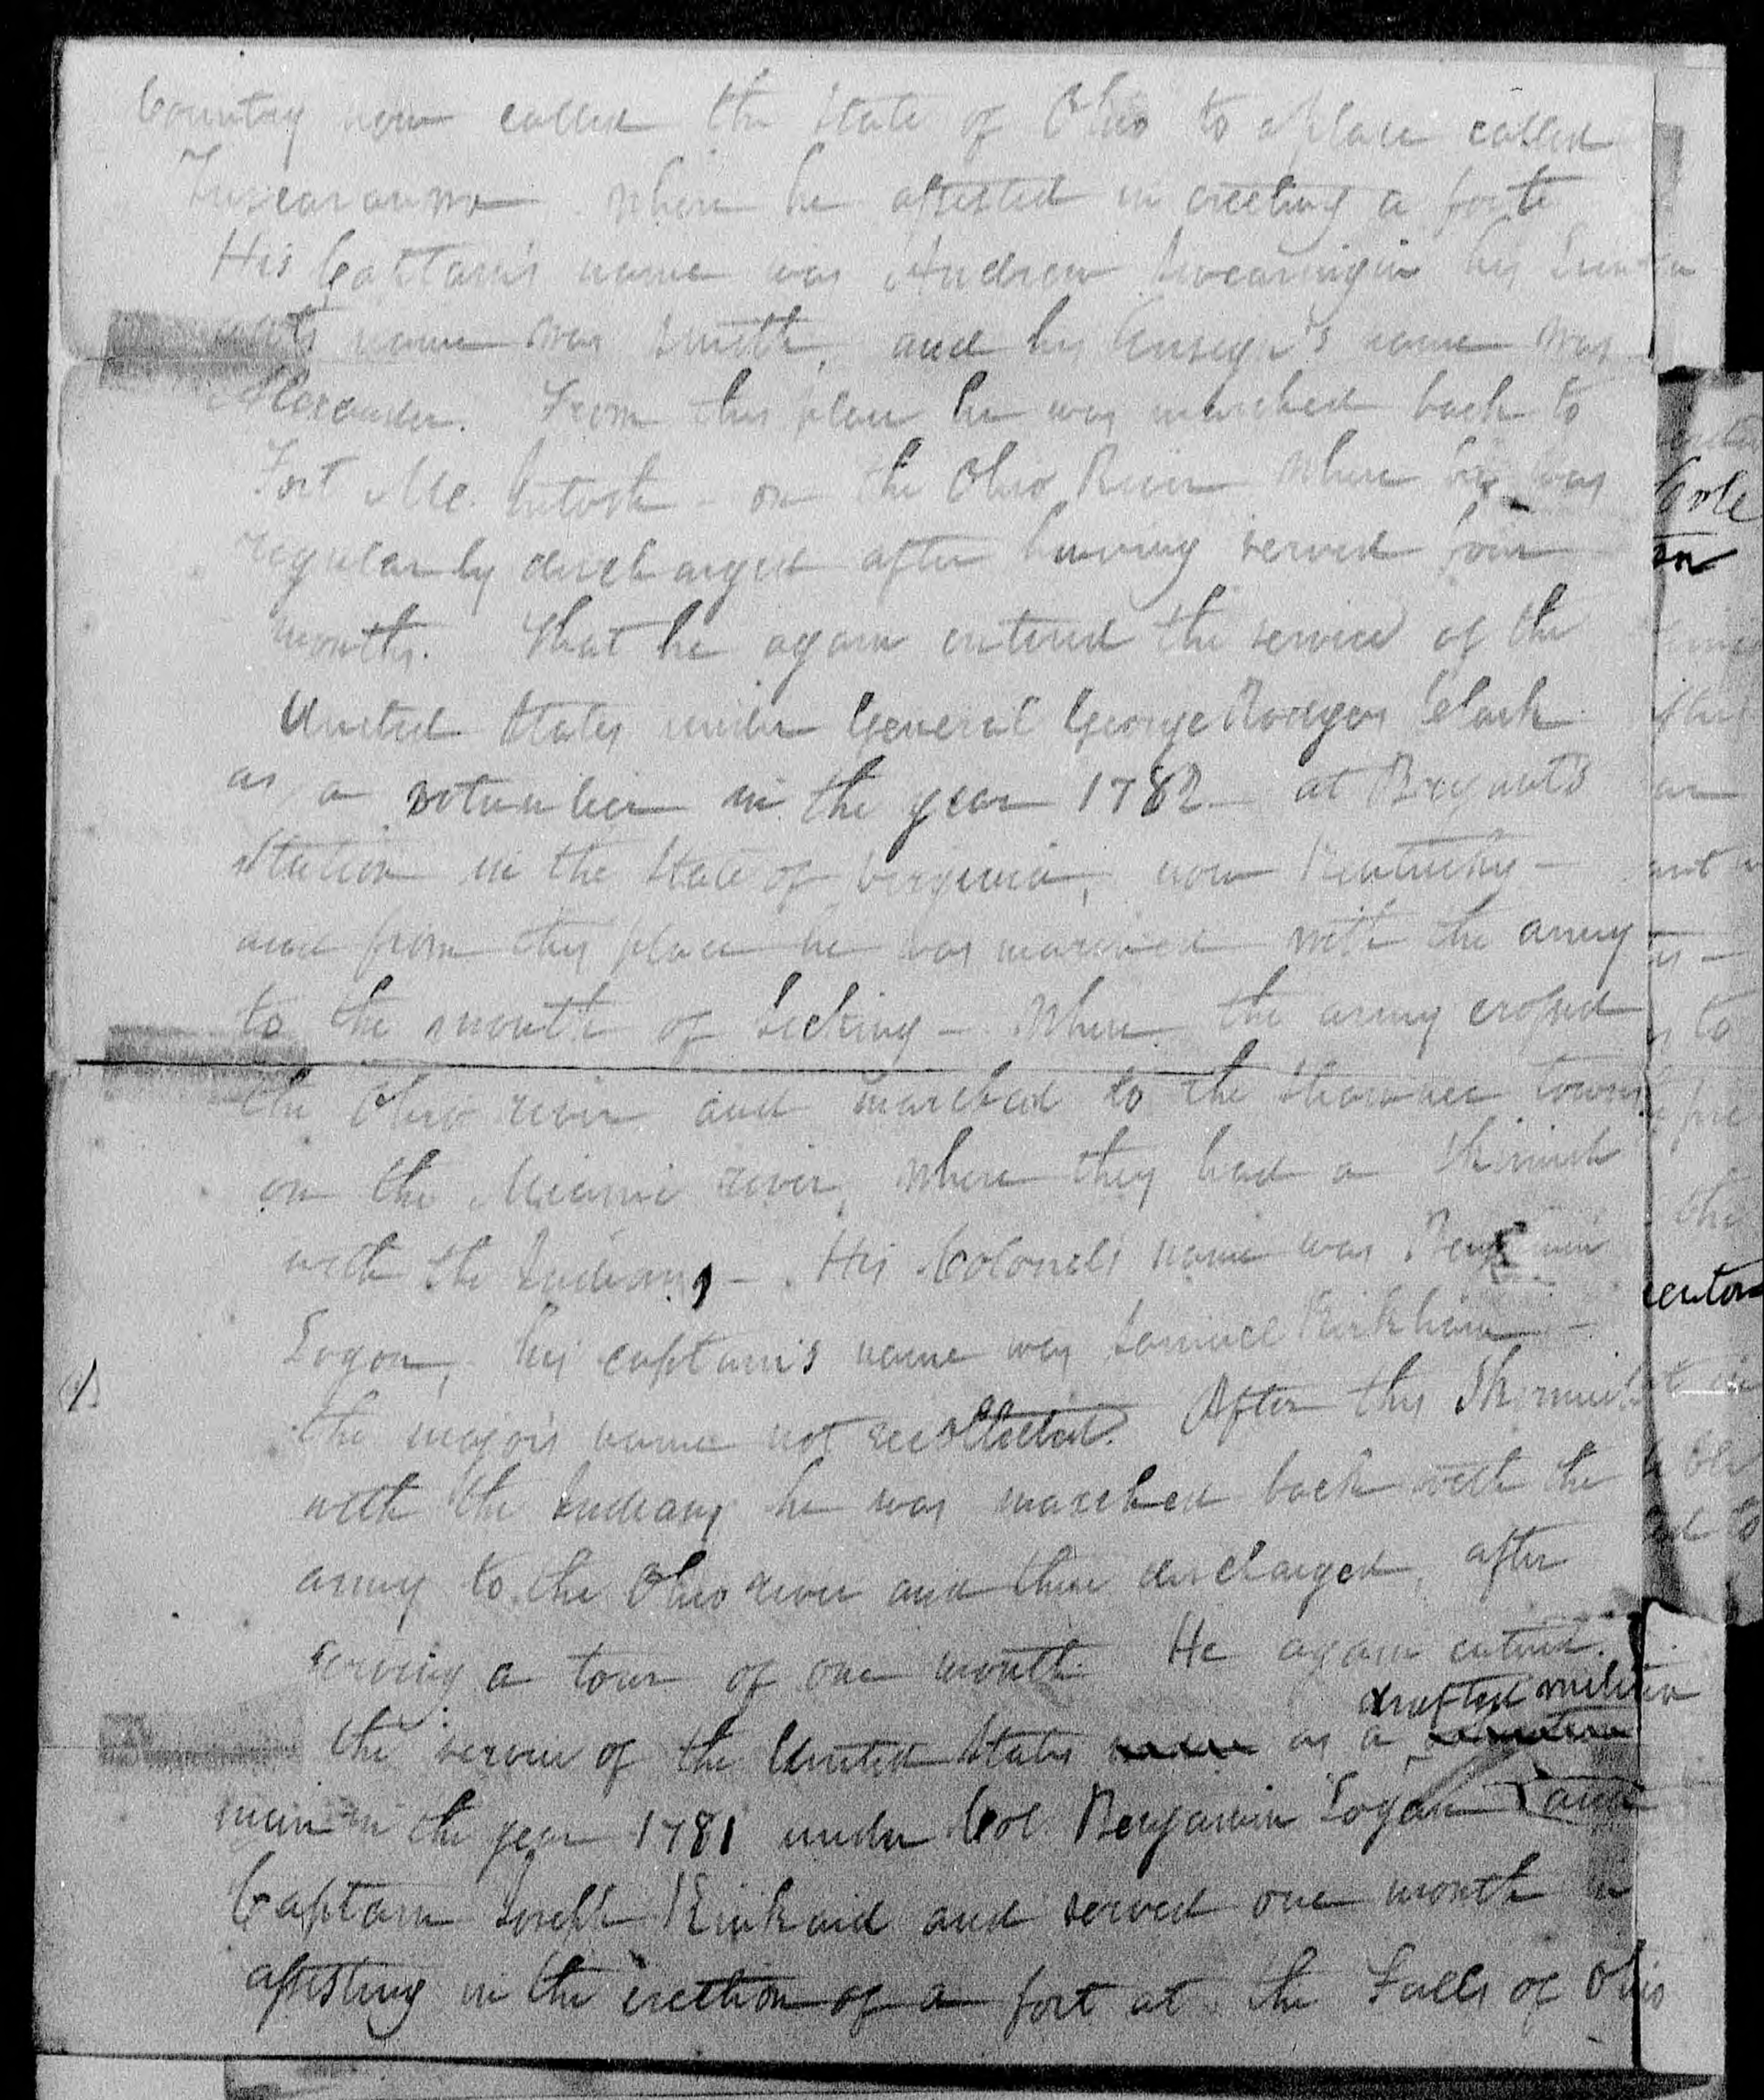County herein called the State of Ohio to a place called [illegible] where he assisted in erecting a fort. His Captain's name was Andrew Swearingin his [illegible, possibly "Colonel's"] name was Smith, and his Ensign's name was Alexander. From this place he was marched back to Fort McIntosh on the Ohio River where he was regularly discharged after having served four months. That he again entered the service of the United States under General George Rogers Clark as an [illegible] in the year 1782 at Baywit's Station in the state of Virginia, now Kentucky, and from this place he was marched with the army to the mouth of Licking. When the army crossed the Ohio River and marched to the Shawnee town on the Miami River where they had a skirmish with the Indians. His Colonel's name was Benjamin Logon, his captain's name was Samuel Kirkham, the major's name not recollected. After the skirmish with the Indians he was marched back with the army to the Ohio River and there discharged after serving a tour of one month. He again entered the service of the United States as a drafted militia man in the year 1781 under Colo. Benjamin Logan and Captain Joseph Kinkaid and served one month in assisting in the erection of a fort at the Falls of Ohio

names: Andrew Swearingin, Alexander, George Rodgers Clark, Benjamin Logan, Samuel Kirkham, Smith, Joseph Kinkaid, Benjamin Logon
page: 4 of 26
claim: survivor's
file: S. 16059, John Brenton, Penn. Va.